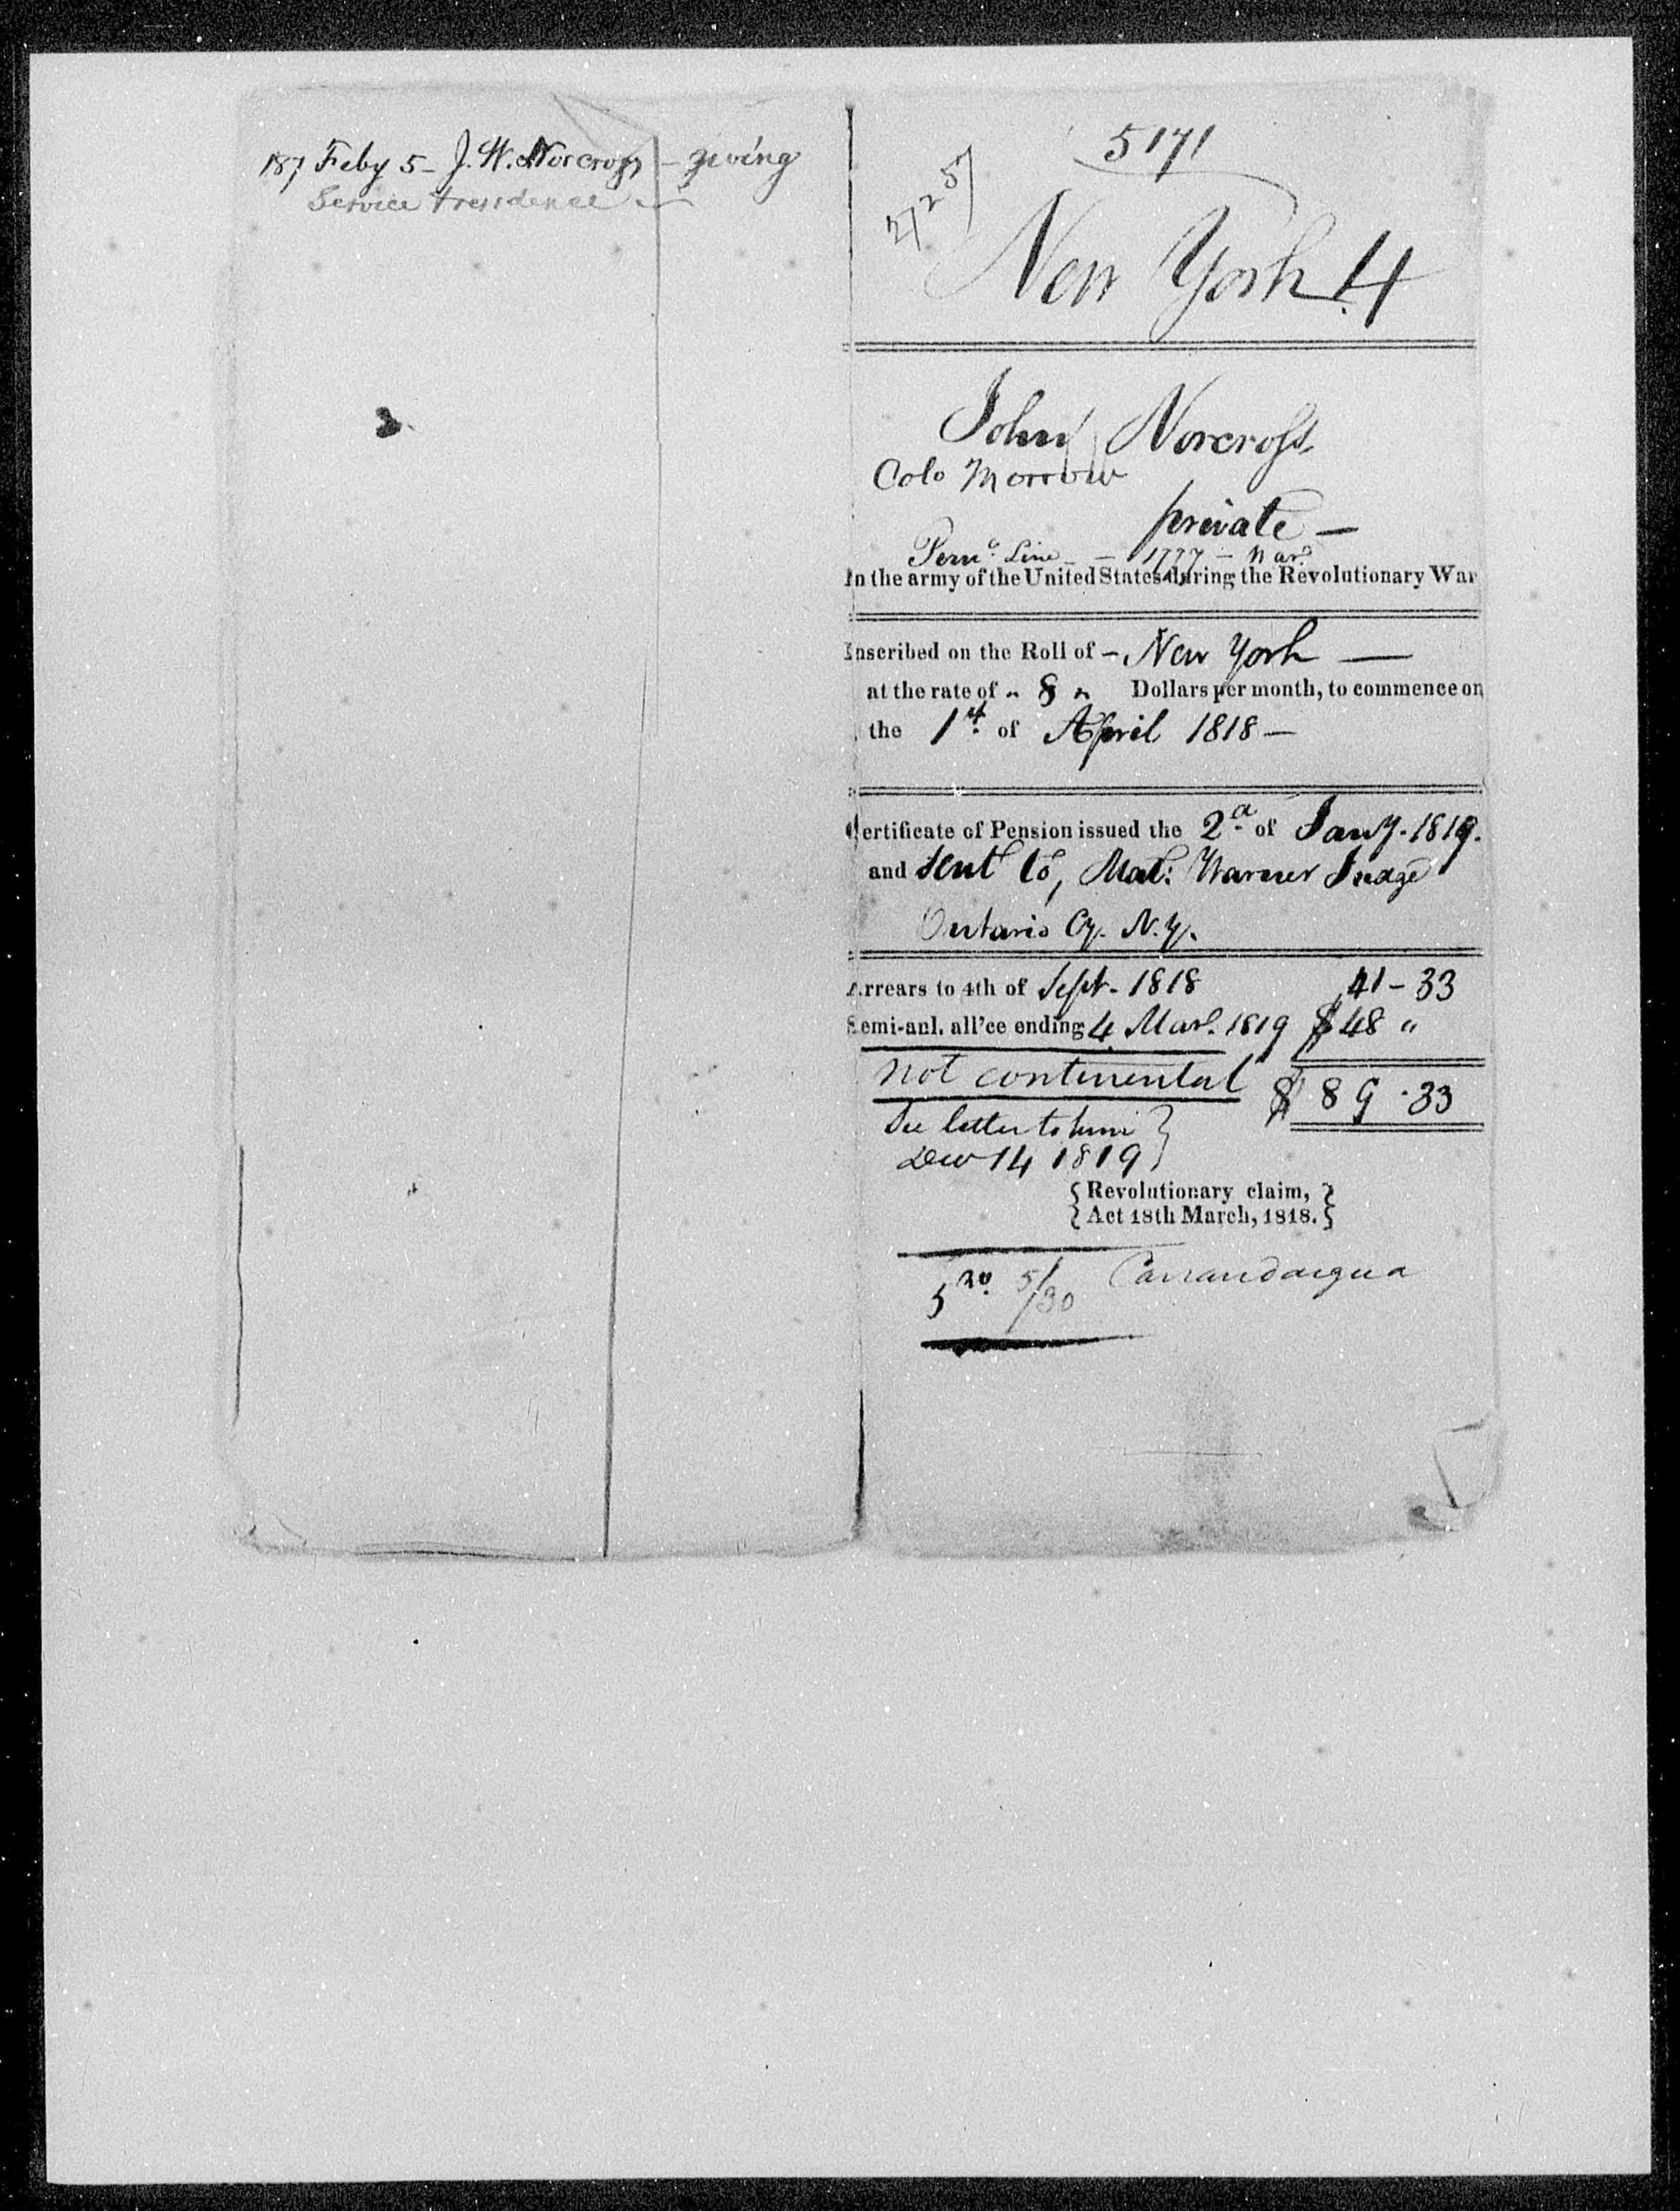187 Feby 5-- J. W. Norcross-giving
Service + evidence
27257
5171
New York 4
John Norcross,
Colo Morrow
private
Penn Line-1777-Mar
In the army of the United States bring the Revolutionary War
=====================
Inscribed on the Roll of New York
at the rate of 8 Dollars per month, to commence on
the 1st of April 1818-
=====================
certificate of Pension issued the 2d of Jany 1819
and sent to Mort: Warner Judge
Ontario Co. N.Y.
============================
Arrears to 4th of Sept. 1818
Semi-anl, all'ce ending 4 Mar 1819 
41-33
$48"
======
$89.33
==========
not continental
----------------
See letter to him
Dec 14 1819

Revolutionary claim,
Act 18th March, 1818.
5th
5 /30
Canandargua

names: John Norcross; Warner Judge; [BLANK] Morrow; J W Norcross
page: 2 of 23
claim: survivor's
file: S. 27257, for John Norcross, Pennsylvania